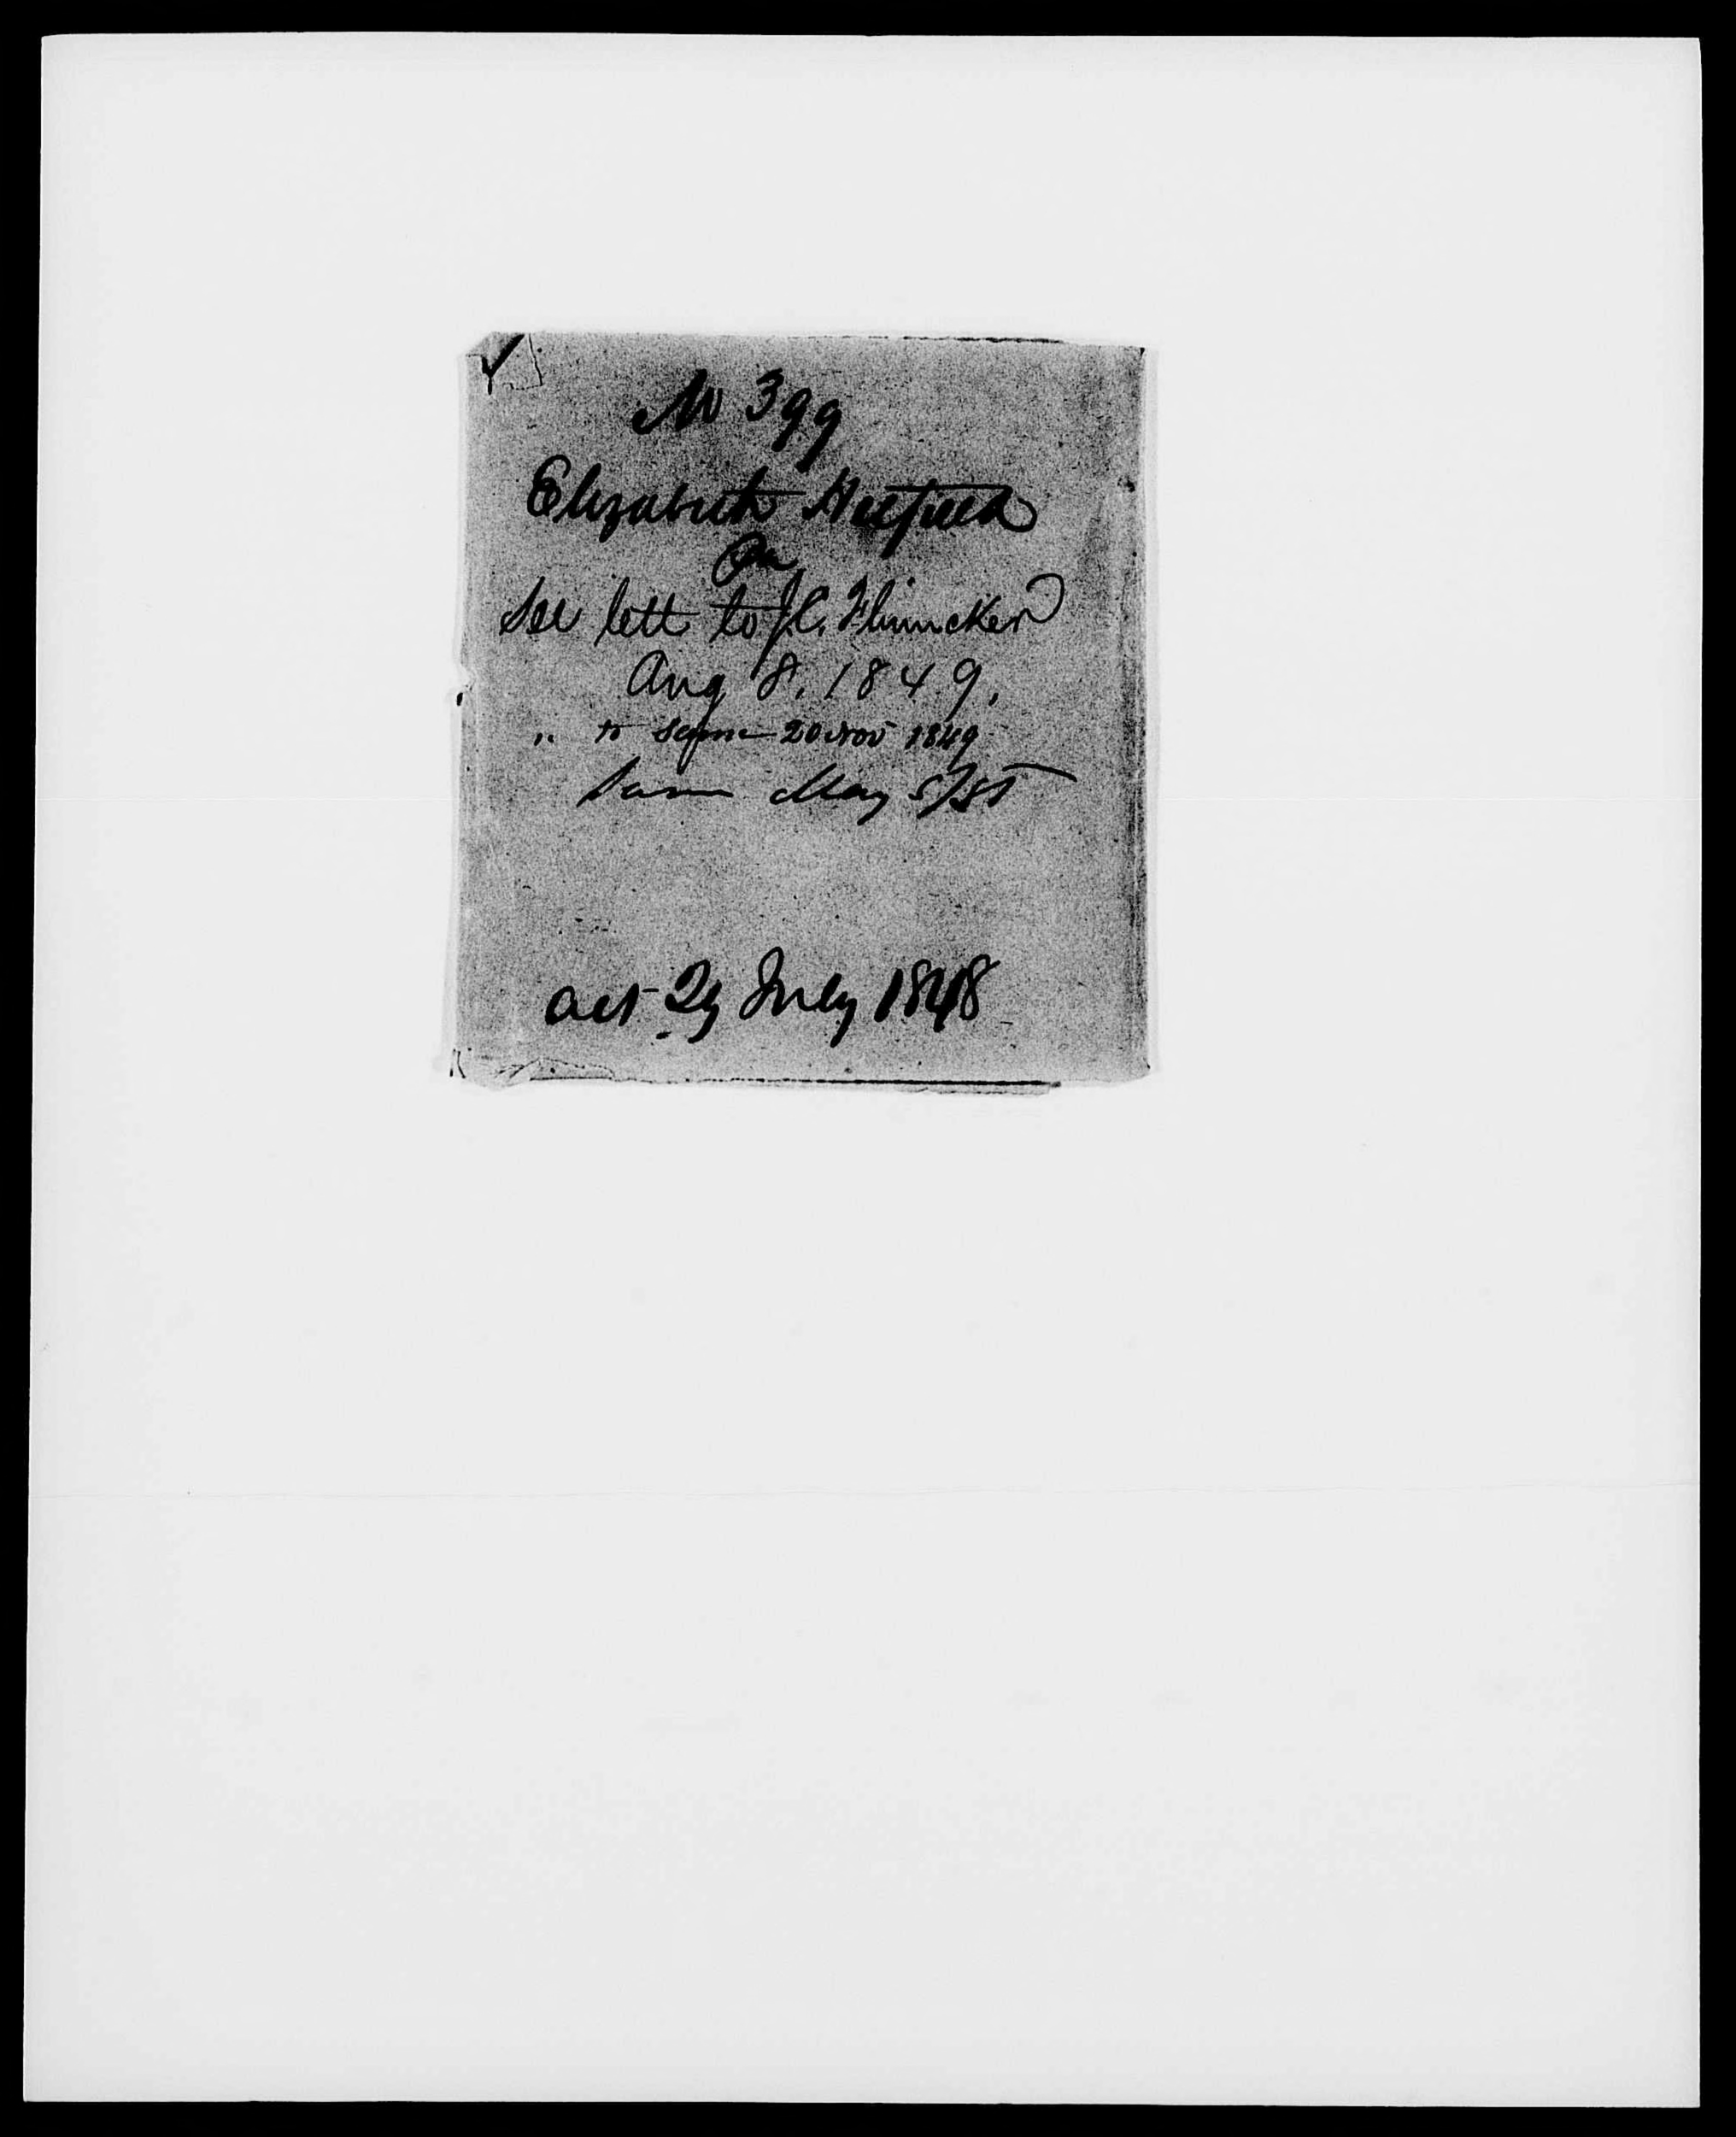No 399
Elizabeth Hetfield
Pa
See lett to J C Flinnicker
Aug 8, 1849.
" to same 20 Nov 1849
[illegible] May [illegible]

Act 29 July 1848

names: Elizabeth Hetfield, J C Flinncker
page: 25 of 45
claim: widow's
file: W. 2734, Stephen Hetfield, New Jersey